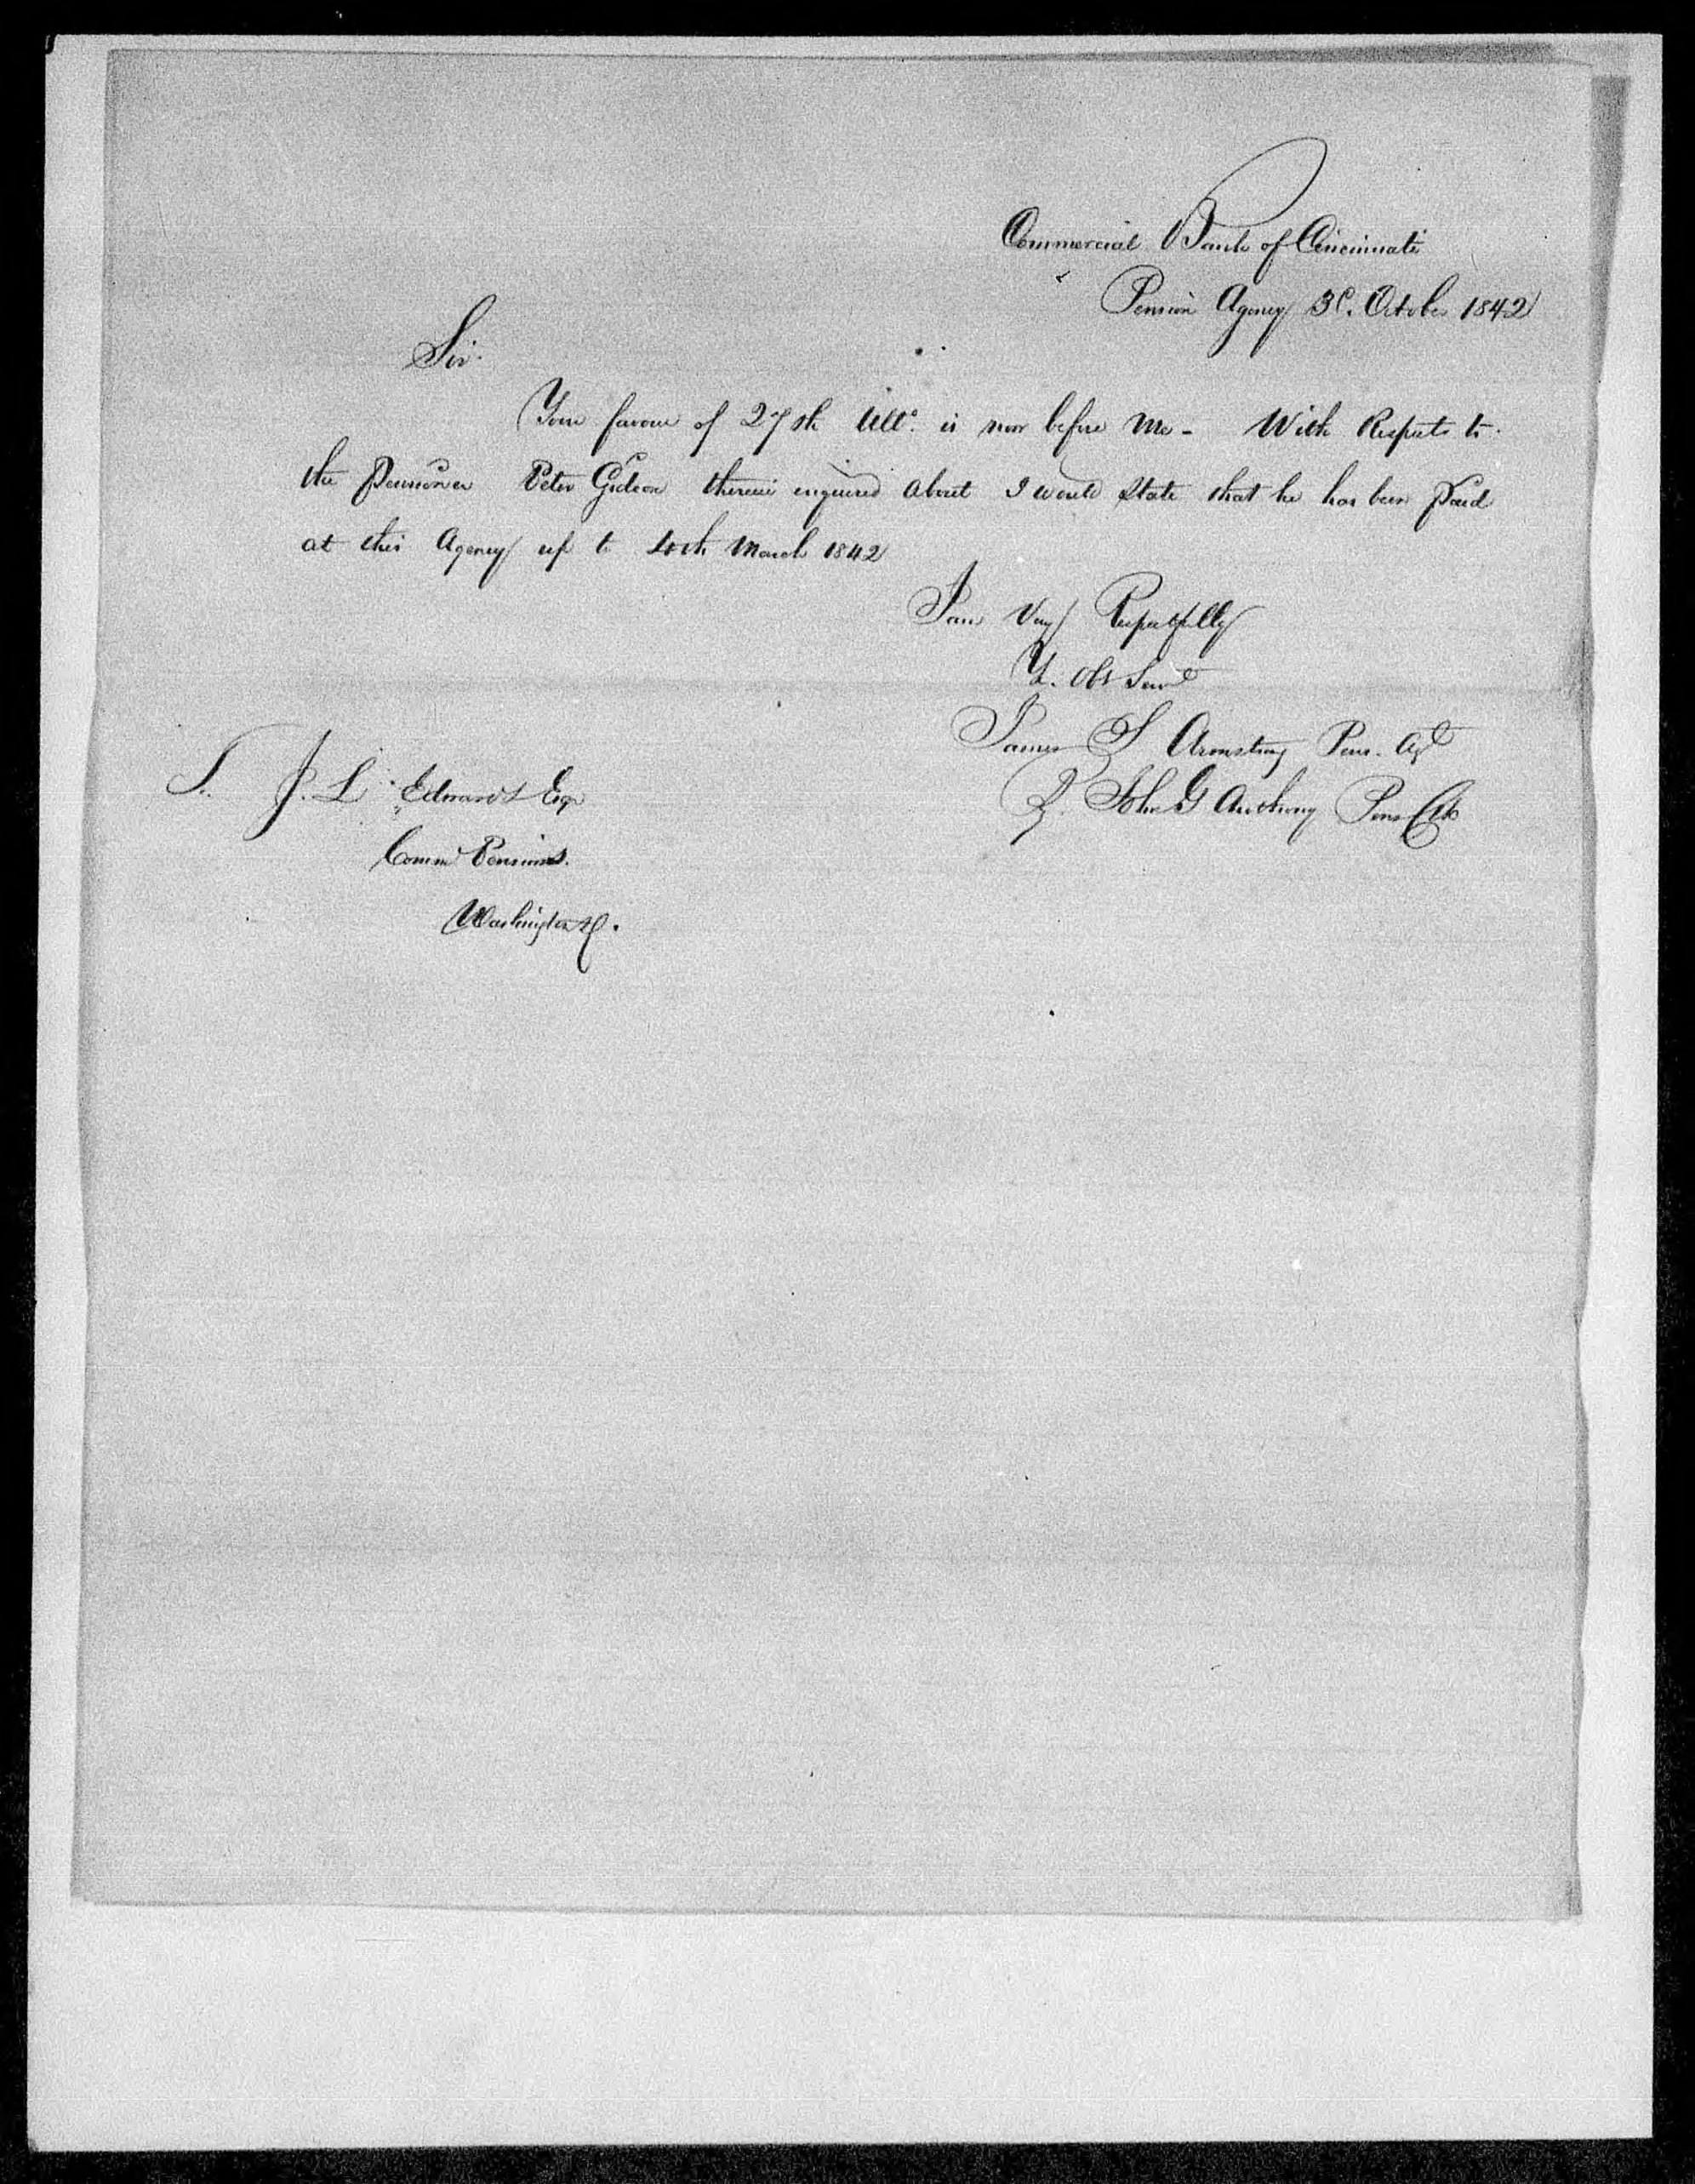Commercial Bank of Cincinnati 
Pension Agency 31 October 1842

Sir
Your favour of 27th lett. is now before me. With Respect to the Pensioner Peter Gideon therein enquired about I would state that he has been paid at this Agency up to 4th March 1842

Yours very Respectfully
Y. obt Serv
James S Armstrong Pens Agent
& John G Armstrong Pens [Agt]


J.L. Edwards Esq
Comm Pensions
Washington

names: Peter Gideon, John G Anthony, J L Edwards, James S Armstrong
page: 20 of 64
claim: survivor's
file: S. 6887, Peter Gideon, Md.